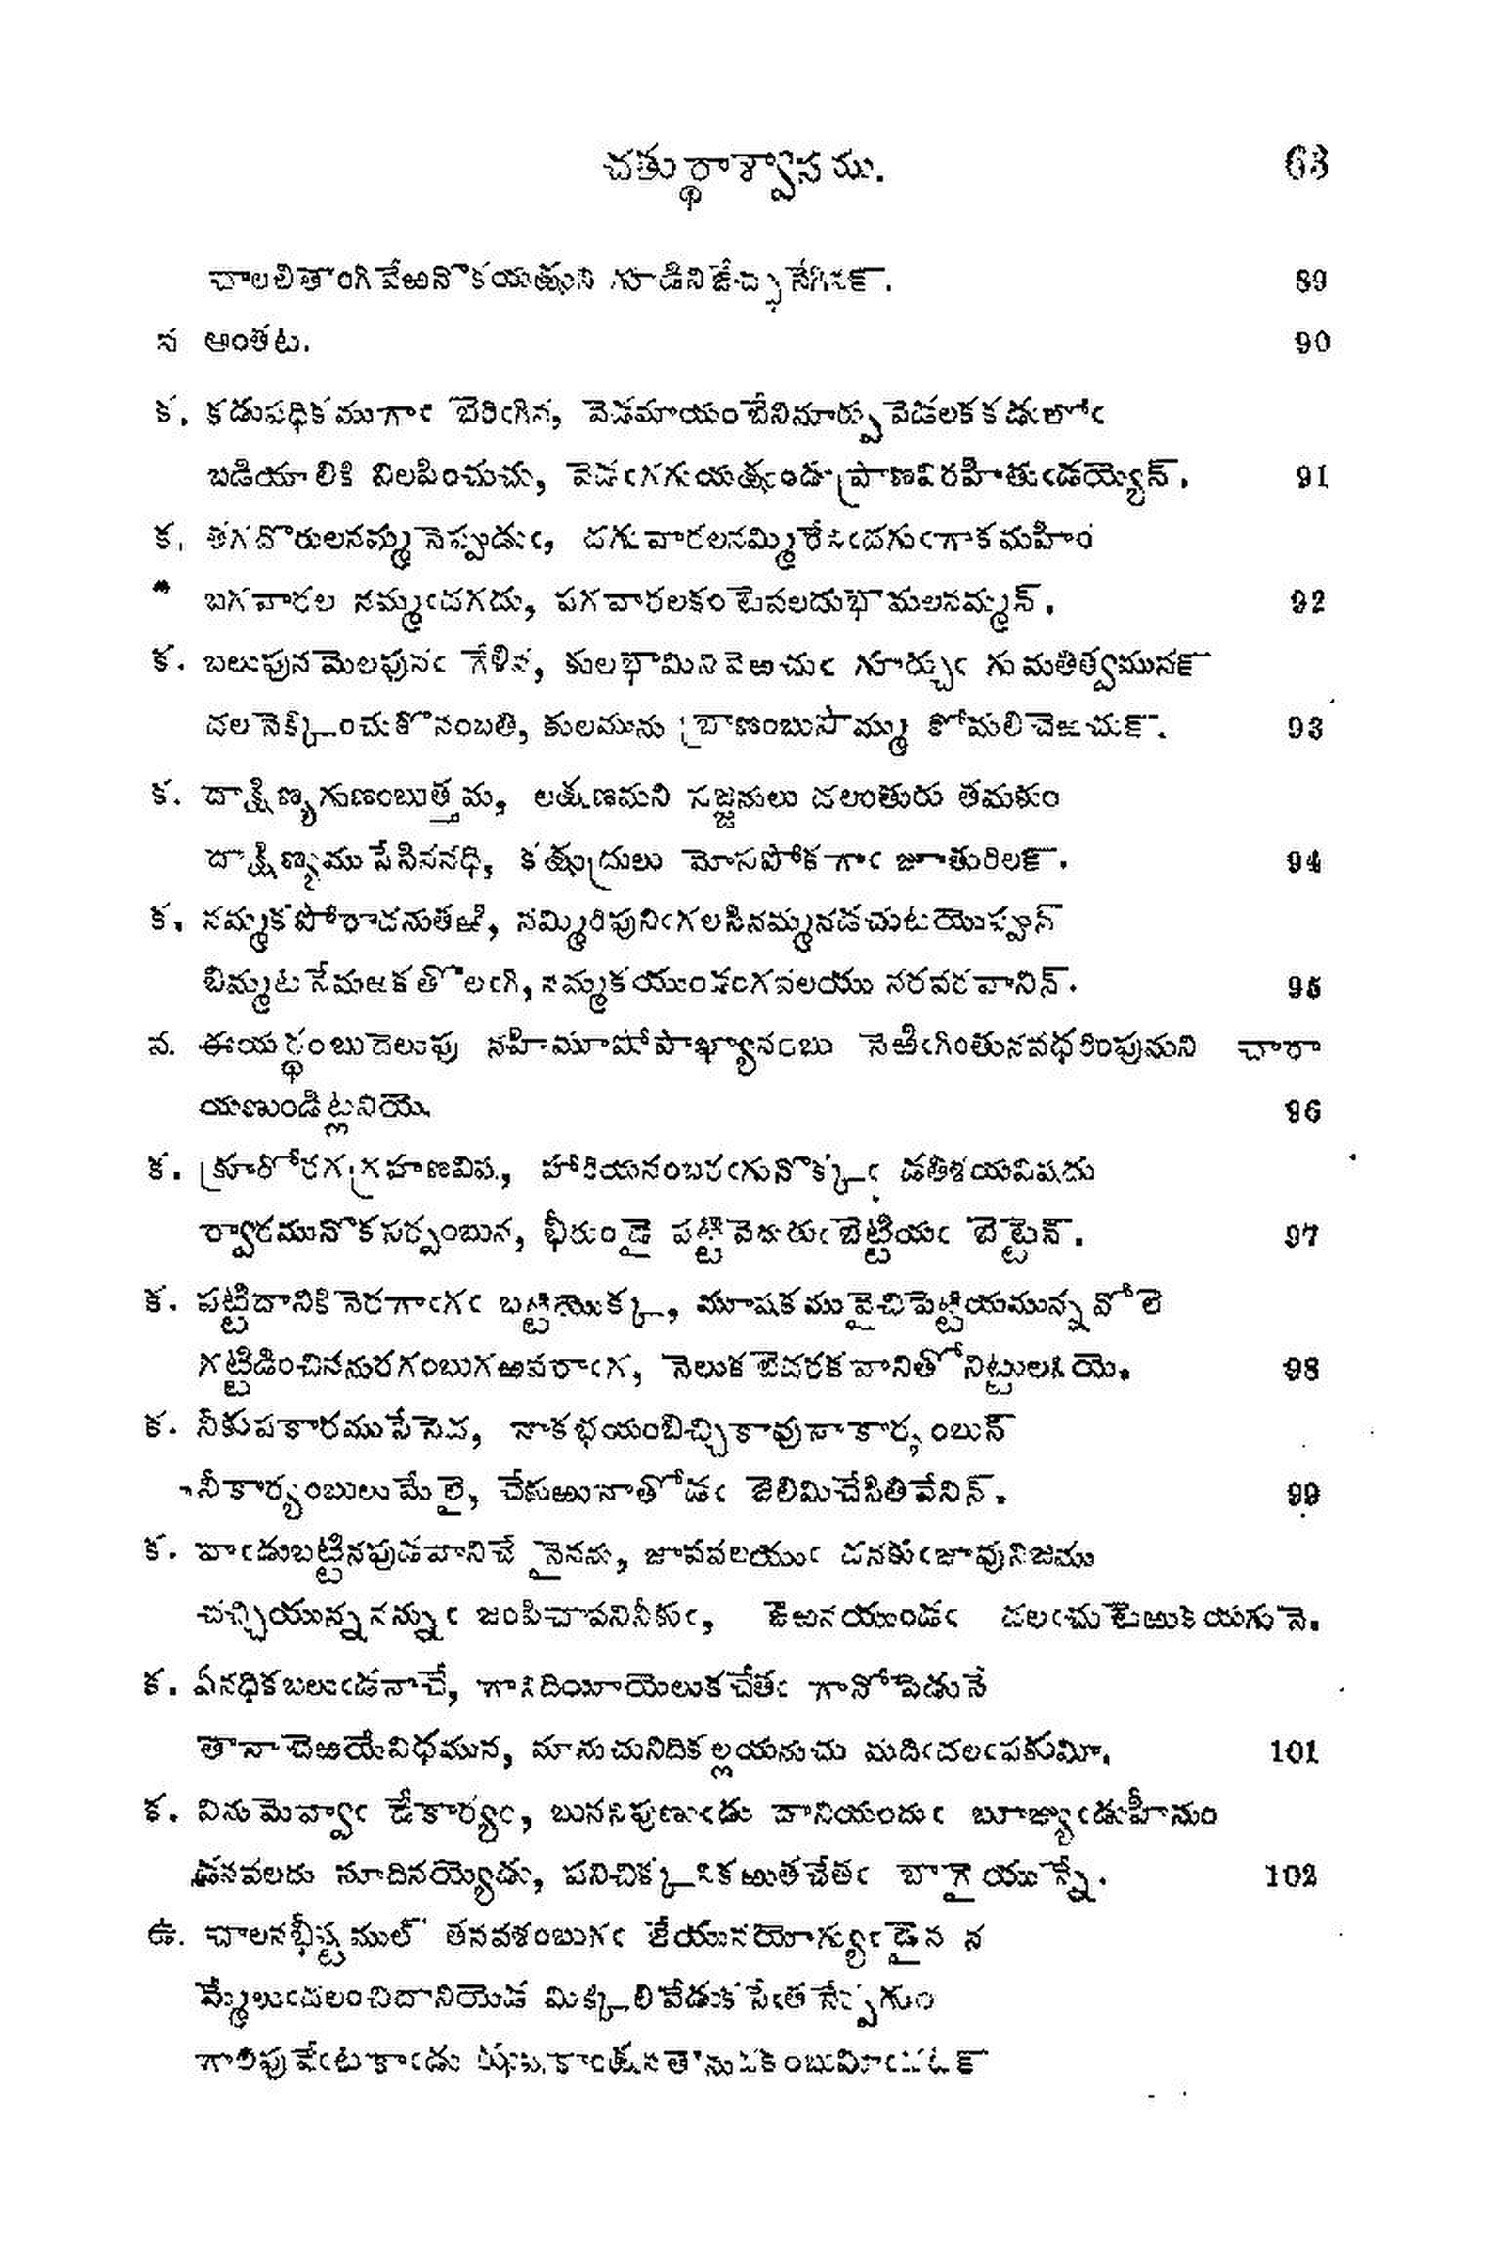చాలలితాంగి వేఱ నొకయక్షుని గూడి నిజేచ్ఛనేగినన్.
వ. అంతట.
క. కడు పధికముగాఁ బెరిఁగిన, వెడమాయం బేని మార్పు వెడలక కడులో
 బడి యాలికి విలపించుచు, వెడఁగగుయక్షుండు ప్రాణవిరహితుఁ డయ్యెన్.
క. తగ దొరుల నమ్మ నెప్పుడుఁ, దగువారల నమ్మిరేనిఁ దగుఁగాక మహిం
 బగవారల నమ్మఁదగదు, పగవారలకంటె వలదు భామల నమ్మన్.
క. బలుపున మెలపునం గేళి, కులభామిని వెఱచుఁ గూర్చుఁ గుమతిత్వమునన్
 దల నెక్కించుకొనం బతి, కులమును బ్రాణంబు సొమ్ము కోమలి చెఱచున్.
క. దాక్షిణ్యగుణం బుత్తమ, లక్షణమని సజ్జనులు దలంతురు తమకుం
 దాక్షిణ్యము సేసిననధి, కక్షుద్రులు మోసపోక గాఁ జూతు రిలన్.
క. నమ్మకపోరాదనుతఱి, నమ్మి రిపునిఁ గలసి నమ్మనడచుట యొప్పున్
 బిమ్మట నేమఱక తొలఁగి, నమ్మకయుండంగవలయు నరవర వానిన్.
వ. ఈయర్థంబు దెలుపు నహిమూషోపాఖ్యానంబు నెఱిఁగింతు నవధరింపుమని చారా
 యణుం డి ట్లనియె
క. క్రూరోరగగ్రహణవిష, హారియనంబరఁగునొక్కఁ డతిశయవిషదు
 ర్వారము నొకసర్పంబున, భీరుండై పట్టి వెదురుఁ బెట్టియఁ బెట్టెన్.
క. పట్టిదానికి నెరగాఁగఁ బట్టి యొక్క, మూషకము వైచి పెట్టియ మున్నవోలె
 గట్టిడించిన నురగంబు గఱవరాఁగ, నెలుక బెదరక వానితో నిట్టు లనియె.
క. నీ కుపకారము సేసెద, నా కభయం బిచ్చి కావు నాకార్యంబున్
 నీకార్యంబులు మేలై, చేకుఱు నాతోడఁ జెలిమి చేసితివేనిన్.
క. వాఁడు బట్టినపుడ వానిచే నైనను, జావవలయుఁ దనకుఁ జావు నిజము
 చచ్చియున్ననన్నుఁ జంపి చావనినీకుఁ, జెఱనయుండఁ దలచు టెఱుక యగునె.
క. ఏ నధికబలుఁడ నాచే, గానిది యీయెలుకచేతఁ గానోపెడునే
 తా నాచెఱ యేవిధమున, మానుచు నిది కల్ల యనుచు మదిఁదలఁపకుమీ.
క. విను మెవ్వాఁ డేకార్యం, బున నిపుణఁడు దానియందుఁ బూజ్యుఁడు హీనుం
 డనవలదు సూదినయ్యెడు, పని చిక్కనికఱుతచేతఁ బాగైయున్నే.
ఉ. చాల నభీష్టముల్ తనవశంబుగఁ జేయునయోగ్యుఁ డైన న
 మ్మేలుఁ దలంచి దానియెడ మిక్కిలివేడుక సేైఁత నేర్పగుం
 గాలిపువేఁటకాఁడు ఝషకాంక్షన తా నుదకంబు మీఁదటన్